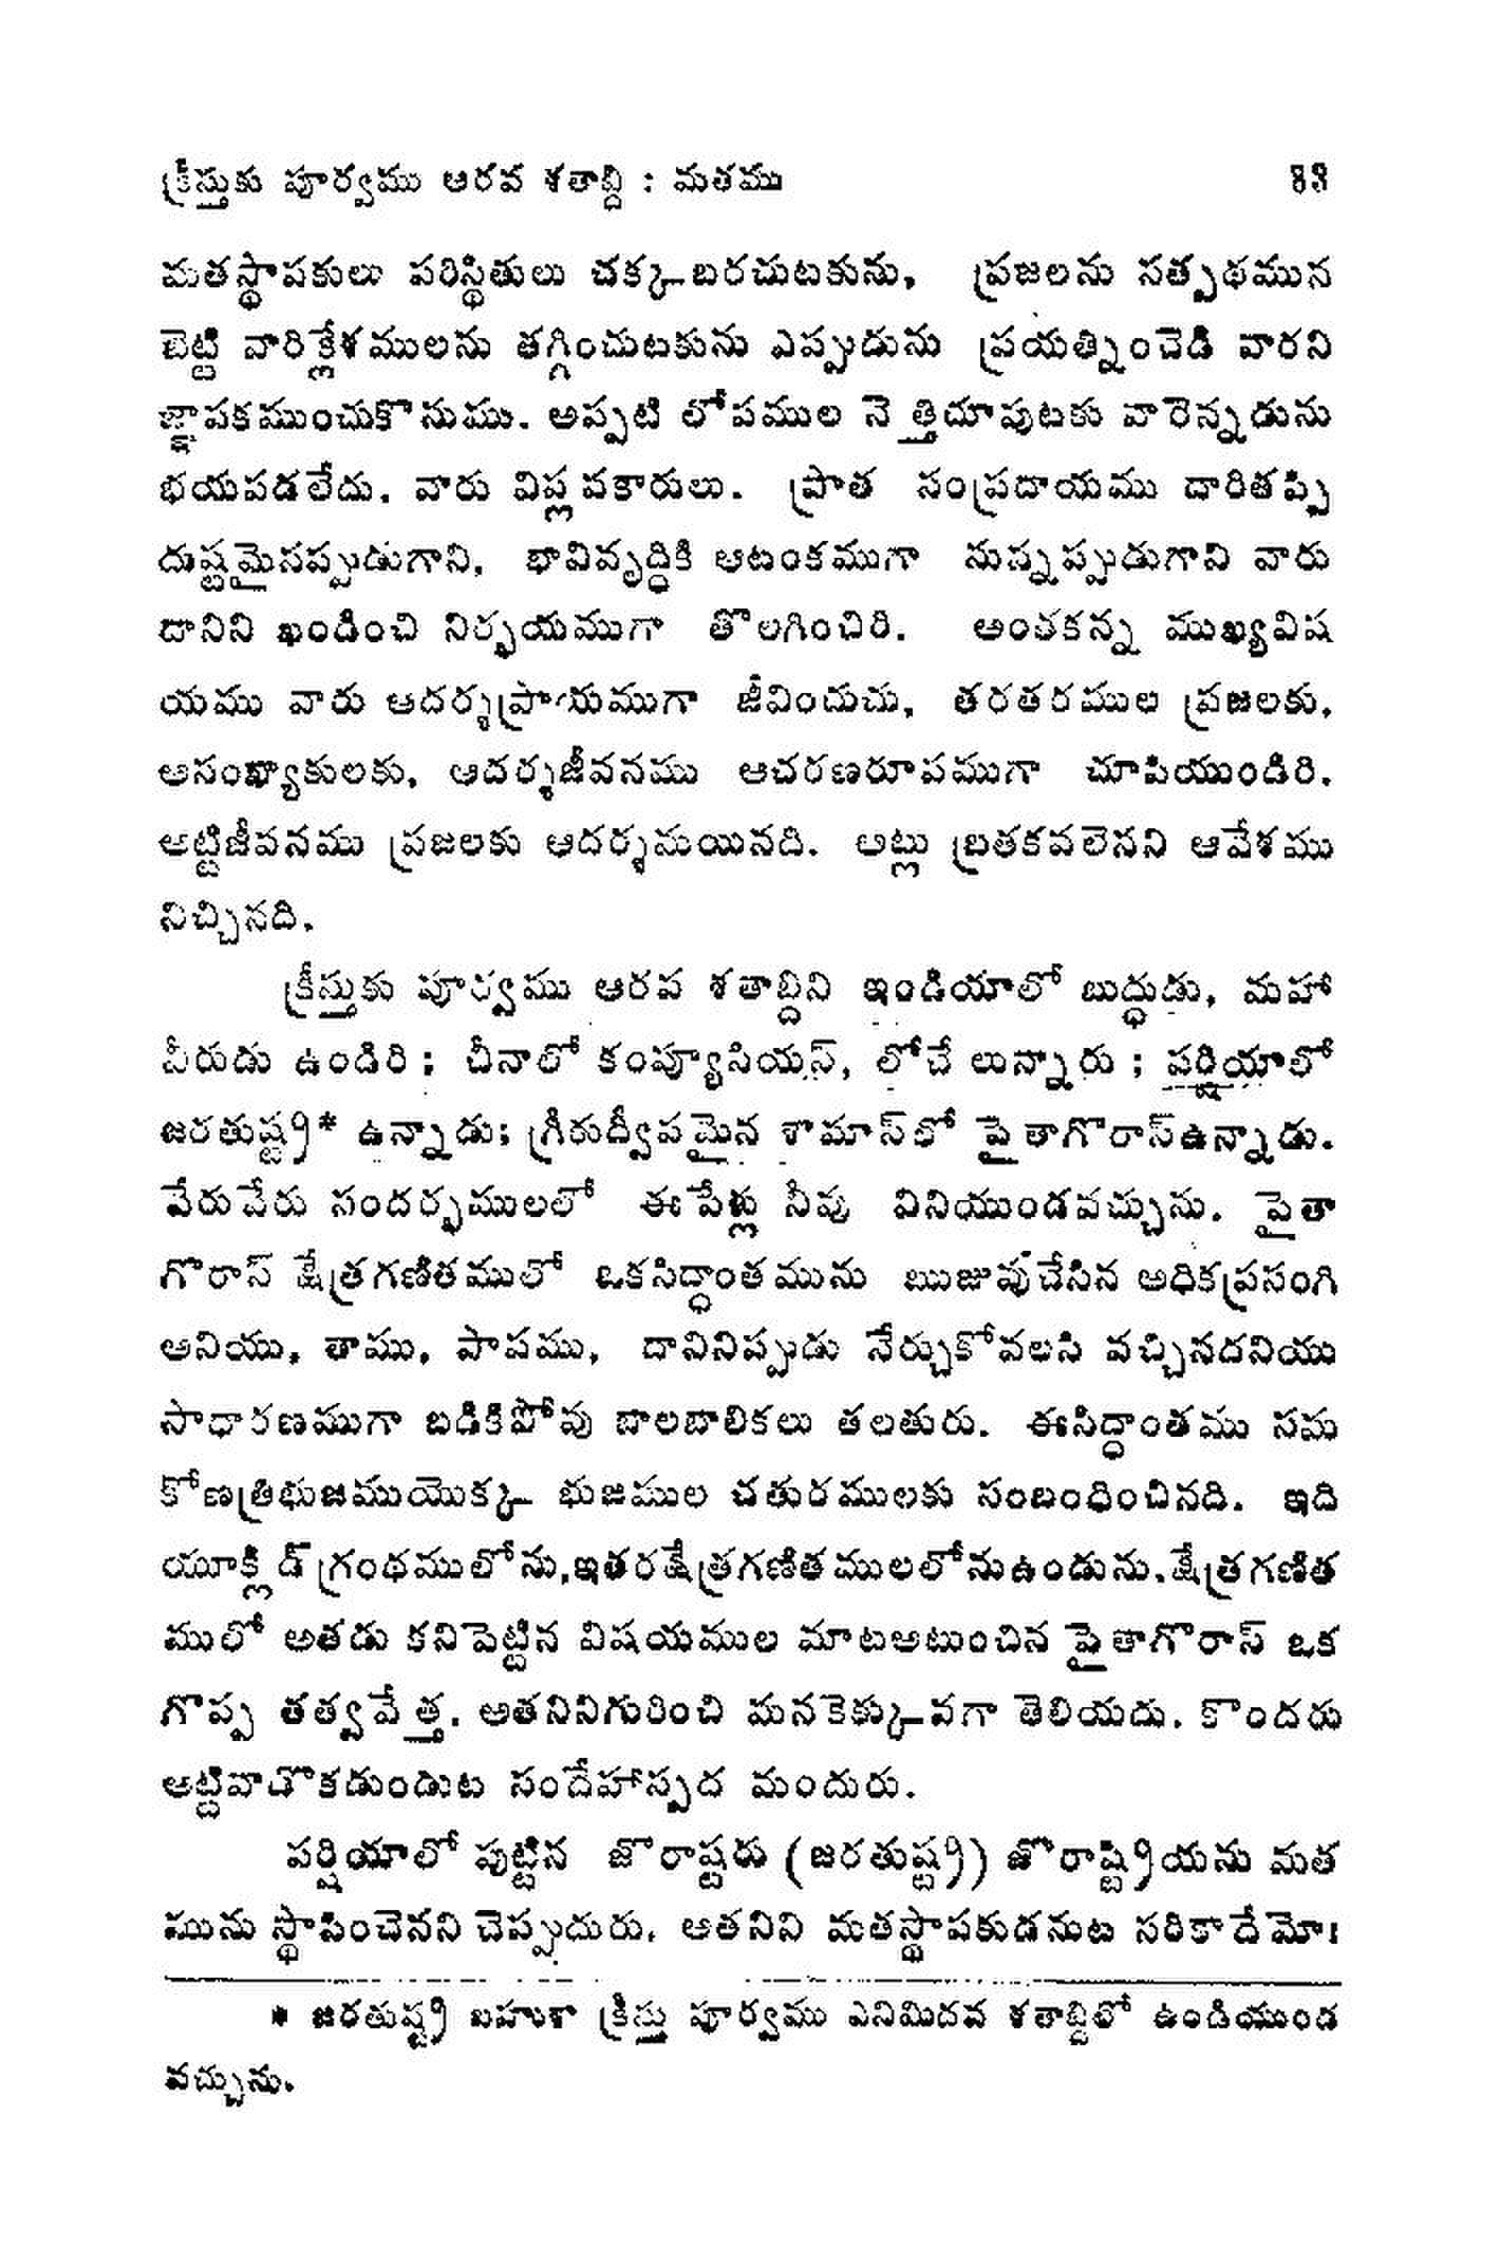మతస్థాపకులు పరిస్థితులు చక్కబరచుటకును, ప్రజలను సత్పథమున బెట్టి వారిక్లేశములను తగ్గించుటకును ఎప్పుడును ప్రయత్నించెడి వారని జ్ఞాపకముంచుకొనుము. అప్పటి లోపముల నెత్తిచూపుటకు వారెన్నడును భయపడలేదు. వారు విప్లవకారులు. ప్రాత సంప్రదాయము దారితప్పి దుష్టమైనప్పుడుగాని, భావివృద్ధికి ఆటంకముగా నున్నప్పుడుగాని వారు దానిని ఖండించి నిర్భయముగా తొలగించిరి. అంతకన్న ముఖ్యవిషయము వారు ఆదర్శప్రాయముగా జీవించుచు, తరతరముల ప్రజలకు, అసంఖ్యాకులకు, ఆదర్శజీవనము ఆచరణరూపముగా చూపియుండిరి. అట్టిజీవనము ప్రజలకు ఆదర్శమయినది. అట్లు బ్రతకవలెనని ఆవేశము నిచ్చినది,

క్రీస్తుకు పూర్వము ఆరవ శతాబ్దిని ఇండియాలో బుద్ధుడు, మహావీరుడు ఉండిరి : చీనాలో కంప్యూసియస్, లోచే లున్నారు ; పర్షియాలో జరతుష్ట్ర ఉన్నాడు; గ్రీకుద్వీపమైన శామాస్‌లో పై తాగొరాస్‌ఉన్నాడు. వేరు వేరు సందర్భములలో ఈ పేళ్లు నీవు వినియుండవచ్చును. పైతాగొరాస్ క్షేత్రగణితములో ఒక సిద్ధాంతమును ఋజువు చేసిన అధికప్రసంగి అనియు, తాము. పాపము, దానినిప్పుడు నేర్చుకోవలసి వచ్చినదనియు సాధారణముగా బడికిపోవు బాలబాలికలు తలతురు. ఈసిద్ధాంతము సమకోణ త్రిభుజము యొక్క భుజముల చతురములకు సంబంధించినది. ఇది యూక్లిడ్ గ్రంథములోను, ఇతర క్షేత్రగణితములలోను ఉండును, క్షేత్రగణితములో అతడు కనిపెట్టిన విషయముల మాట అటుంచిన పై తాగొరాస్ ఒక గొప్ప తత్వవేత్త. అతనిని గురించి మనకెక్కువగా తెలియదు. కొందరు అట్టివాడొకడుండుట సందేహాస్పద మందురు.

పర్షియాలో పుట్టిన జొరాష్టరు (జరతుష్ట్ర) జొరాస్ట్రియను మతమును స్థాపించెనని చెప్పుదురు. ఆతనిని మతస్థాపకుడనుట సరికాదేమో!